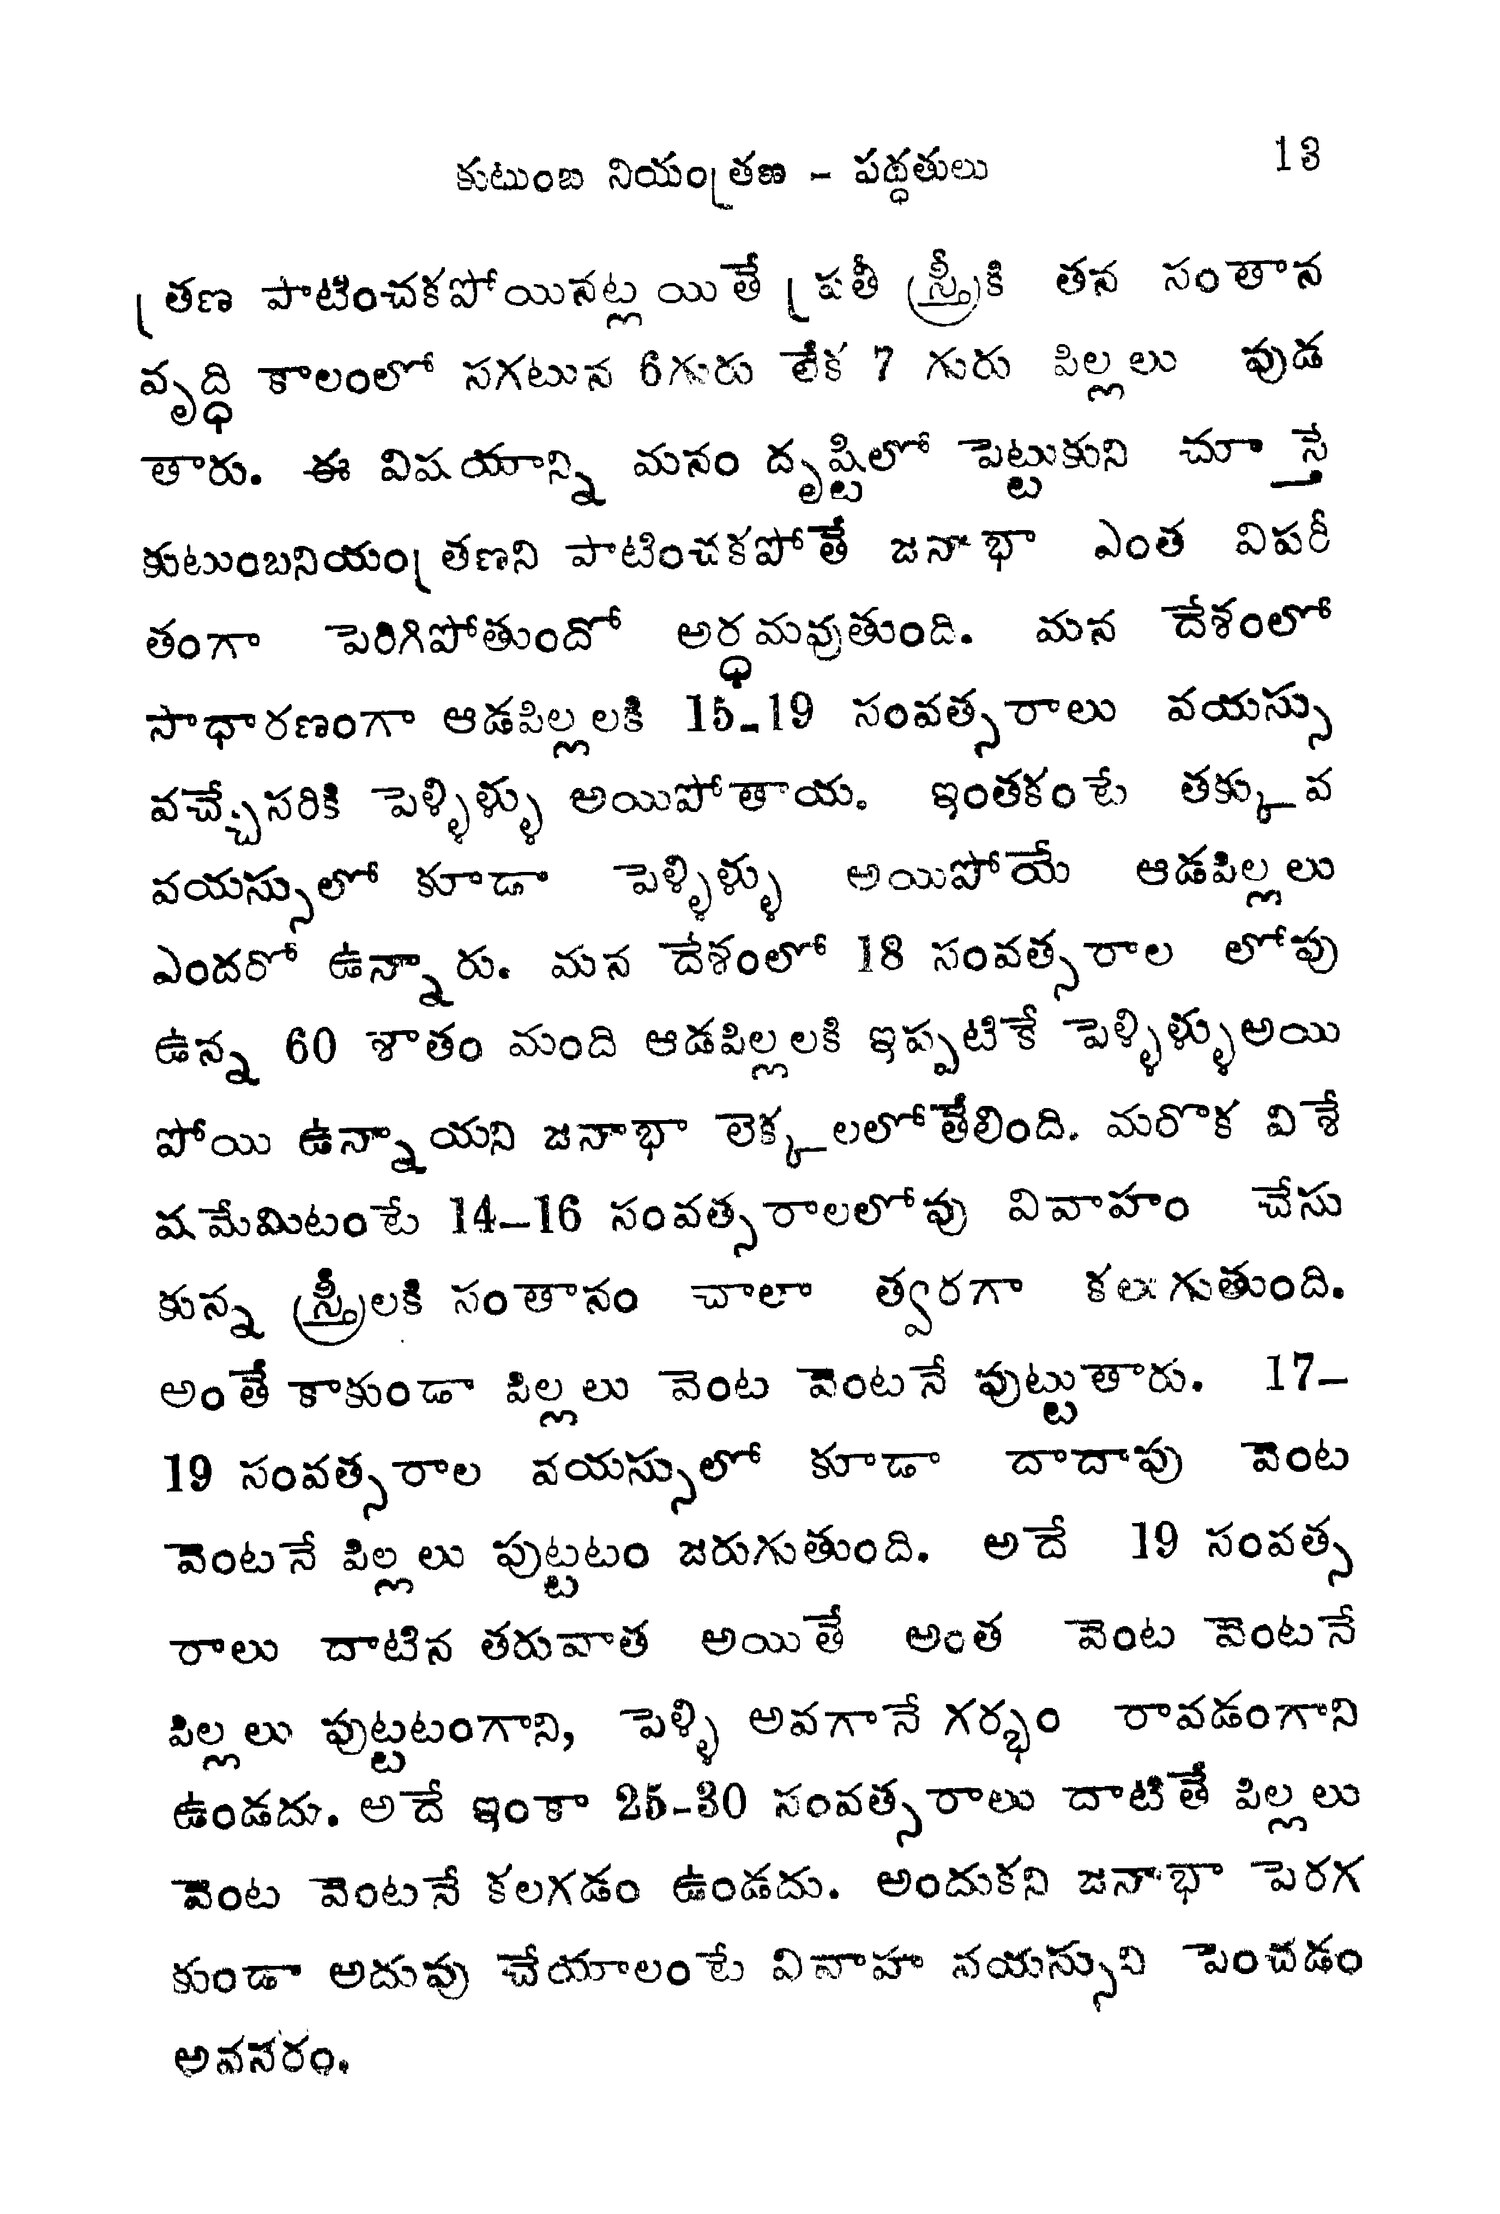త్రణ పాటించకపోయినట్లయితే ప్రతీ స్త్రీకి తన సంతాన వృద్ధి కాలంలో సగటున 6 గురు లేక 7 గురు పిల్లలు పుడతారు. ఈవిషయాన్ని మనం దృష్టిలో పెట్టుకుని చూస్తే కుటుంబనియంత్రణని పాటించకపోతే జనాభా ఎంత విపరీతంగా పెరిగిపోతుందో అర్ధమవుతుంది. మన దేశంలో సాధారణంగా ఆడపిల్లలకి 15 - 19 సంవత్సరాలు వయస్సు వచ్చేసరికి పెళ్ళిళ్ళు అయిపోతాయి. ఇంతకంటే తక్కువ వయస్సులో కూడా పెళ్ళిళ్ళు అయిపోయే ఆడపిల్లలు ఎందరో ఉన్నారు. మనదేశంలో 18 సంవత్సరాల లోపు ఉన్న 60 శాతం మంది ఆడపిల్లలకి ఇప్పటికే పెళ్ళిళ్ళు అయిపోయి ఉన్నాయని జనాభా లెక్కలలో తేలింది. మరొక విశేషమేమిటంటే 14 - 16 సంవత్సరాలలోపు వివాహం చేసుకున్న స్త్రీలకి సంతానం చాలా త్వరగా కలుగుతుంది. అంతే కాకుండా పిల్లలు వెంట వెంటనే పుట్టుతారు. 17 - 19 సంవత్సరాల వయస్సులో కూడా దాదాపు వెంట వెంటనే పిల్లలు పుట్టటం జరుగుతుంది. అదే 19 సంవత్సరాలు దాటిన తరువాత అయితే అంత వెంట వెంటనే పిల్లలు పుట్టటంగాని, పెళ్ళి అవగానే గర్భం రావడంగాని ఉండదు. అదే ఇంకా 25-30 సంవత్సరాలు దాటితే పిల్లలు వెంట వెంటనే కలగటం ఉండదు. అందుకని జనాభా పెరగకుండా అదుపు చేయాలంటే వివాహ వయస్సుని పెంచడం అవసరం.